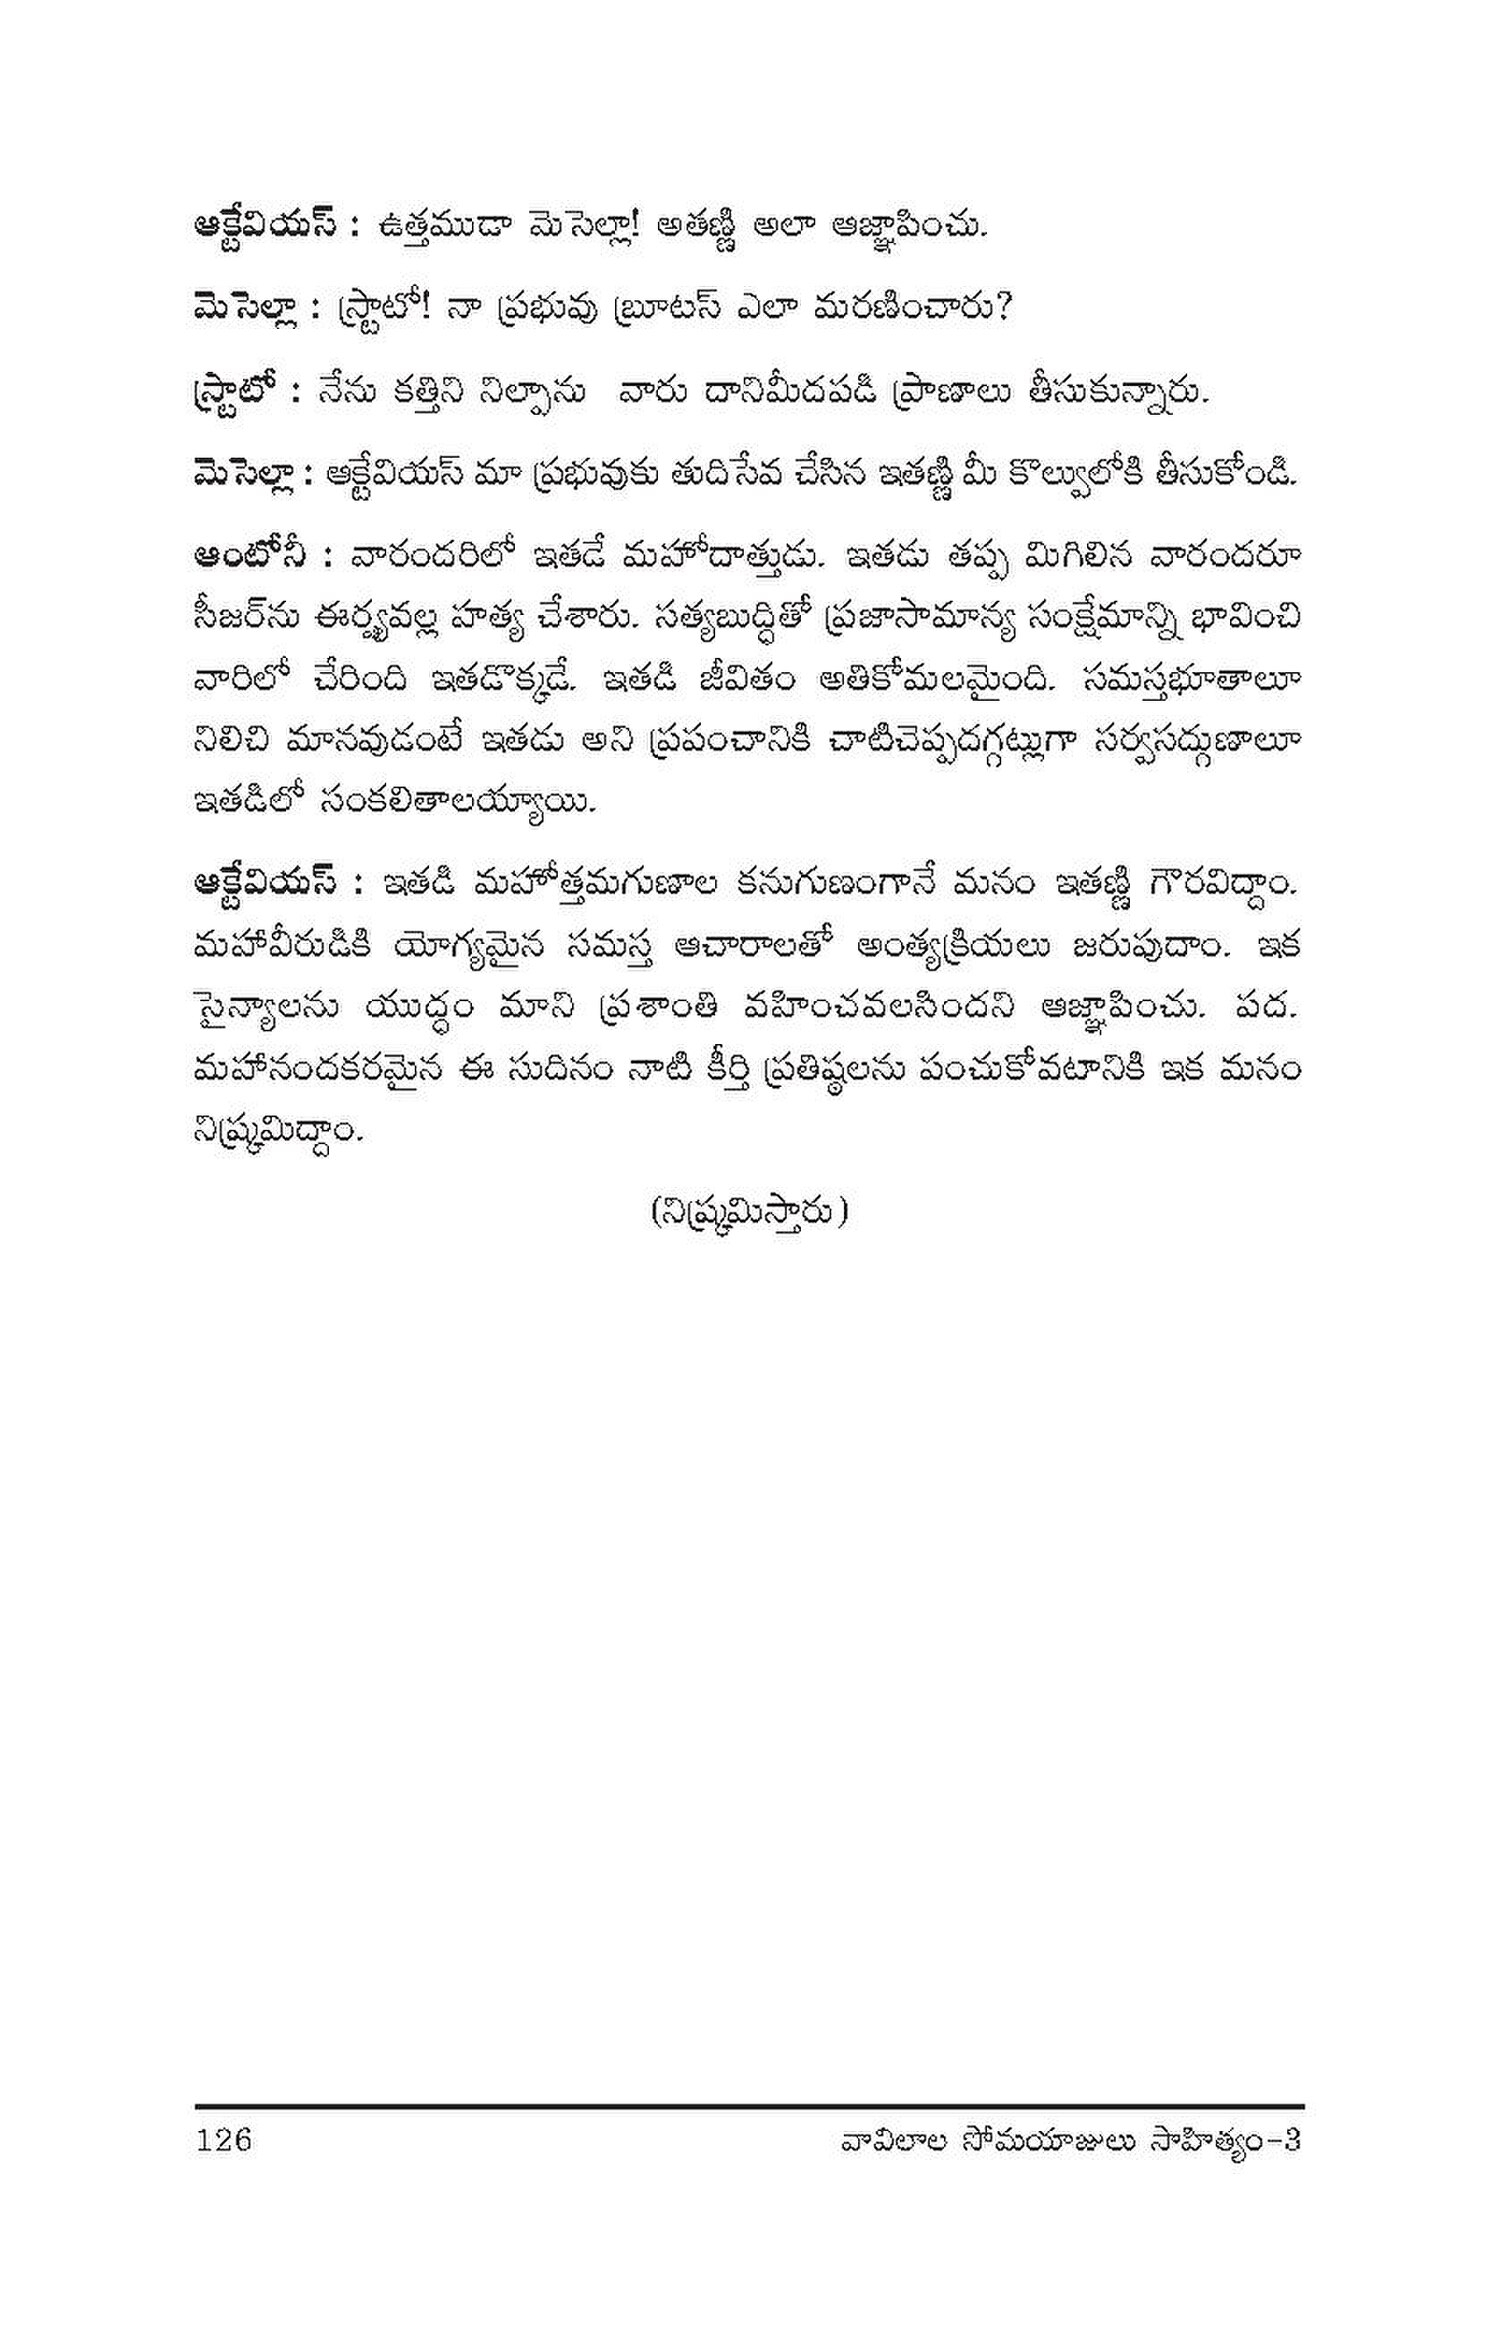ఆక్టేవియస్ : ఉత్తముడా మెసెల్లా! అతణ్ణి అలా ఆజ్ఞాపించు.

మెసెల్లా : స్ట్రాటో! నా ప్రభువు బ్రూటస్ ఎలా మరణించారు?

స్ట్రాటో : నేను కత్తిని నిల్పాను వారు దానిమీదపడి ప్రాణాలు తీసుకున్నారు.

మెసెల్లా : ఆక్టేవియస్ మా ప్రభువుకు తుదిసేవ చేసిన ఇతణ్ణి మీ కొల్వులోకి తీసుకోండి.

ఆంటోనీ : వారందరిలో ఇతడే మహోదాత్తుడు. ఇతడు తప్ప మిగిలిన వారందరూ సీజర్ ను ఈర్ష్య వల్ల హత్య చేశారు. సత్యబుద్ధితో ప్రజాసామాన్య సంక్షేమాన్ని భావించి వారిలో చేరింది ఇతడొక్కడే. ఇతడి జీవితం అతికోమలమైంది. సమస్తభూతాలూ నిలిచి మానవుడంటే ఇతడు అని ప్రపంచానికి చాటిచెప్పదగ్గట్లుగా సర్వసద్గుణాలూ ఇతడిలో సంకలితాలయ్యాయి.

ఆక్టేవియస్ : ఇతడి మహోత్తమగుణాల కనుగుణంగానే మనం ఇతణ్ణి గౌరవిద్దాం. మహావీరుడికి యోగ్యమైన సమస్త ఆచారాలతో అంత్యక్రియలు జరుపుదాం. ఇక సైన్యాలను యుద్ధం మాని ప్రశాంతి వహించవలసిందని ఆజ్ఞాపించు. పద.
మహానందకరమైన ఈ సుదినం నాటి కీర్తి ప్రతిష్ఠలను పంచుకోవటానికి ఇక మనం నిష్క్రమిద్దాం.